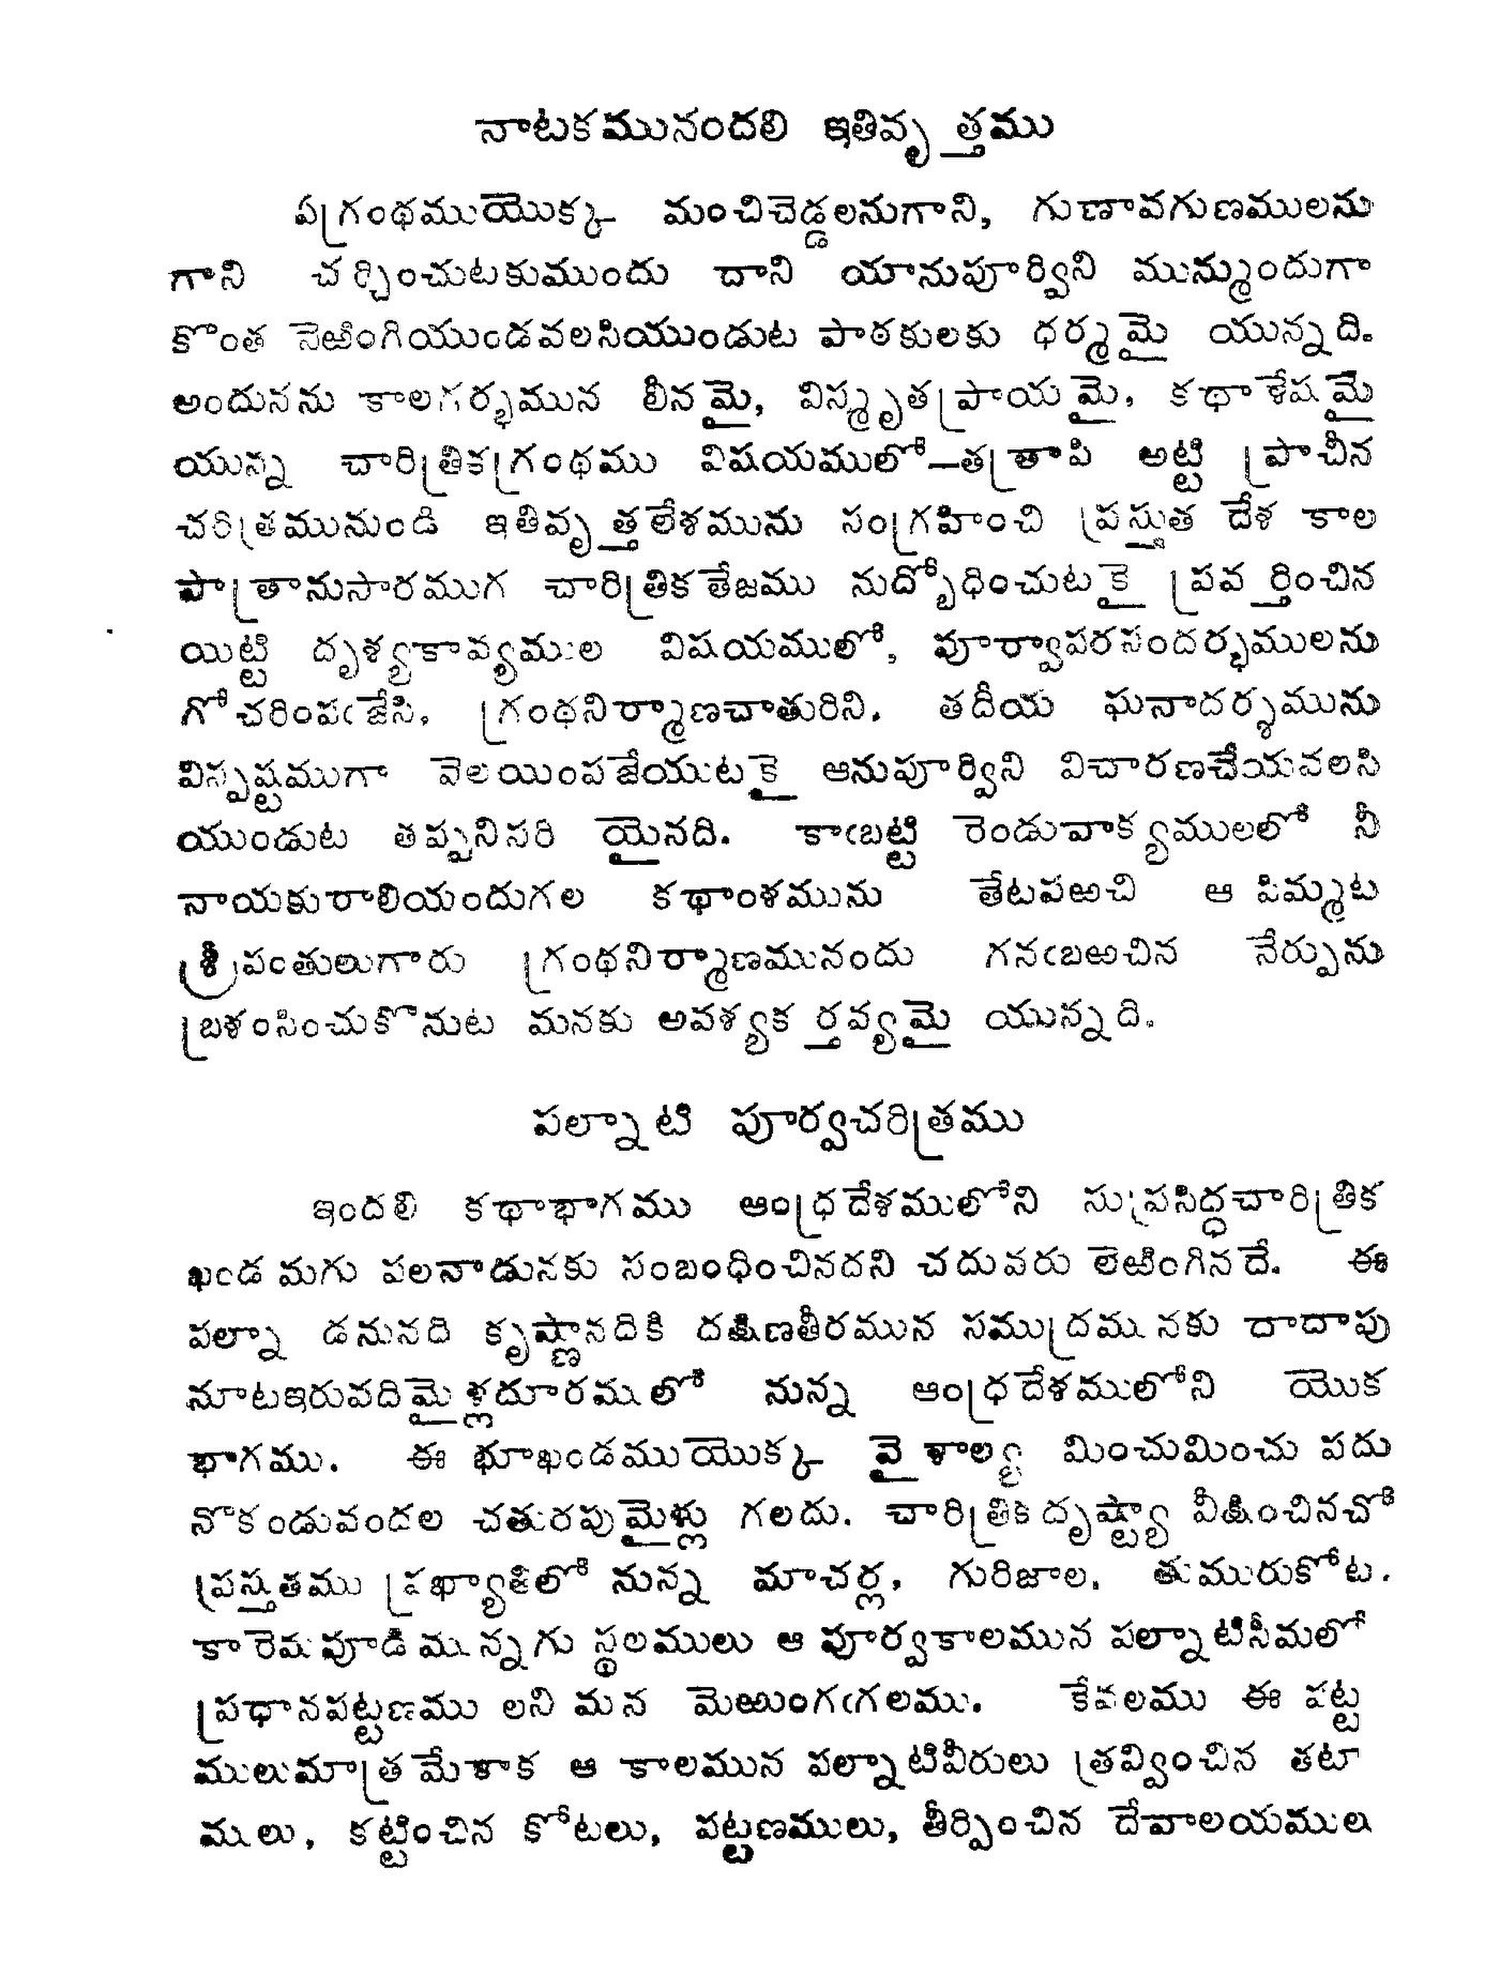ఏగ్రంథముయొక్క మంచిచెడ్డలనుగాని, గుణావగుణములను గాని చర్చించుటకుముందు దాని యానుపూర్విని మున్ముందుగా కొంత నెఱింగియుండవలసియుండుట పాఠకులకు ధర్మమై యున్నది.
అందునను కాలగర్భమున లీనమై, విస్మృతప్రాయమై, కథాశేషమై యున్న చారిత్రికగ్రంథము విషయములో - తత్రాపి అట్టి ప్రాచీన చరిత్రమునుండి ఇతివృత్తలేశమును సంగ్రహించి ప్రస్తుత దేశ కాల పాత్రానుసారముగ చారిత్రికతేజము నుద్బోధించుటకై ప్రవర్తించిన యిట్టి దృశ్యకావ్యముల విషయములో, పూర్వాపరసందర్భములను గోచరింపఁజేసి, గ్రంథనిర్మాణచాతురిని. తదీయ ఘనాదర్శమును విస్పష్టముగా వెలయింపజేయుటకై ఆనుపూర్విని విచారణచేయవలసి యుండుట తప్పనిసరి యైనది. కాఁబట్టి రెండు వాక్యములలో నీ నాయకురాలియందుగల కథాంశమును తేటపఱచి ఆ పిమ్మట శ్రీపంతులుగారు గ్రంథనిర్మాణమునందు గనఁబఱచిన నేర్పును బ్రశంసించుకొనుట మనకు అవశ్యకర్తవ్యమై యున్నది.

ఇందలి కథాభాగము ఆంధ్రదేశములోని సుప్రసిద్ధచారిత్రిక ఖండమగు పలనాడునకు సంబంధించినదని చదువరు లెఱింగినదే. ఈ పల్నా డనునది కృష్ణానదికి దక్షిణతీరమున సముద్రమునకు దాదాపు నూటఇరువదిమైళ్లదూరములో నున్న ఆంధ్రదేశములోని యొకభాగము. ఈ భూఖండముయొక్క వైశాల్య మించుమించు పదునొకండువందల చతురపుమైళ్లు గలదు. చారిత్రికదృష్ట్యా వీక్షించినచో ప్రస్తుతము ప్రఖ్యాతిలో నున్న మాచర్ల, గురిజాల, తుమురుకోట .
కారెమపూడి మున్నగు స్థలములు ఆ పూర్వకాలమున పల్నాటిసీమలో ప్రధానపట్టణము లని మన మెఱుంగఁగలము. కేవలము ఈ పట్టములుమాత్రమేకాక ఆ కాలమున పల్నాటివీరులు త్రవ్వించిన తటాకములు, కట్టించిన కోటలు, పట్టణములు, తీర్పించిన దేవాలయములు